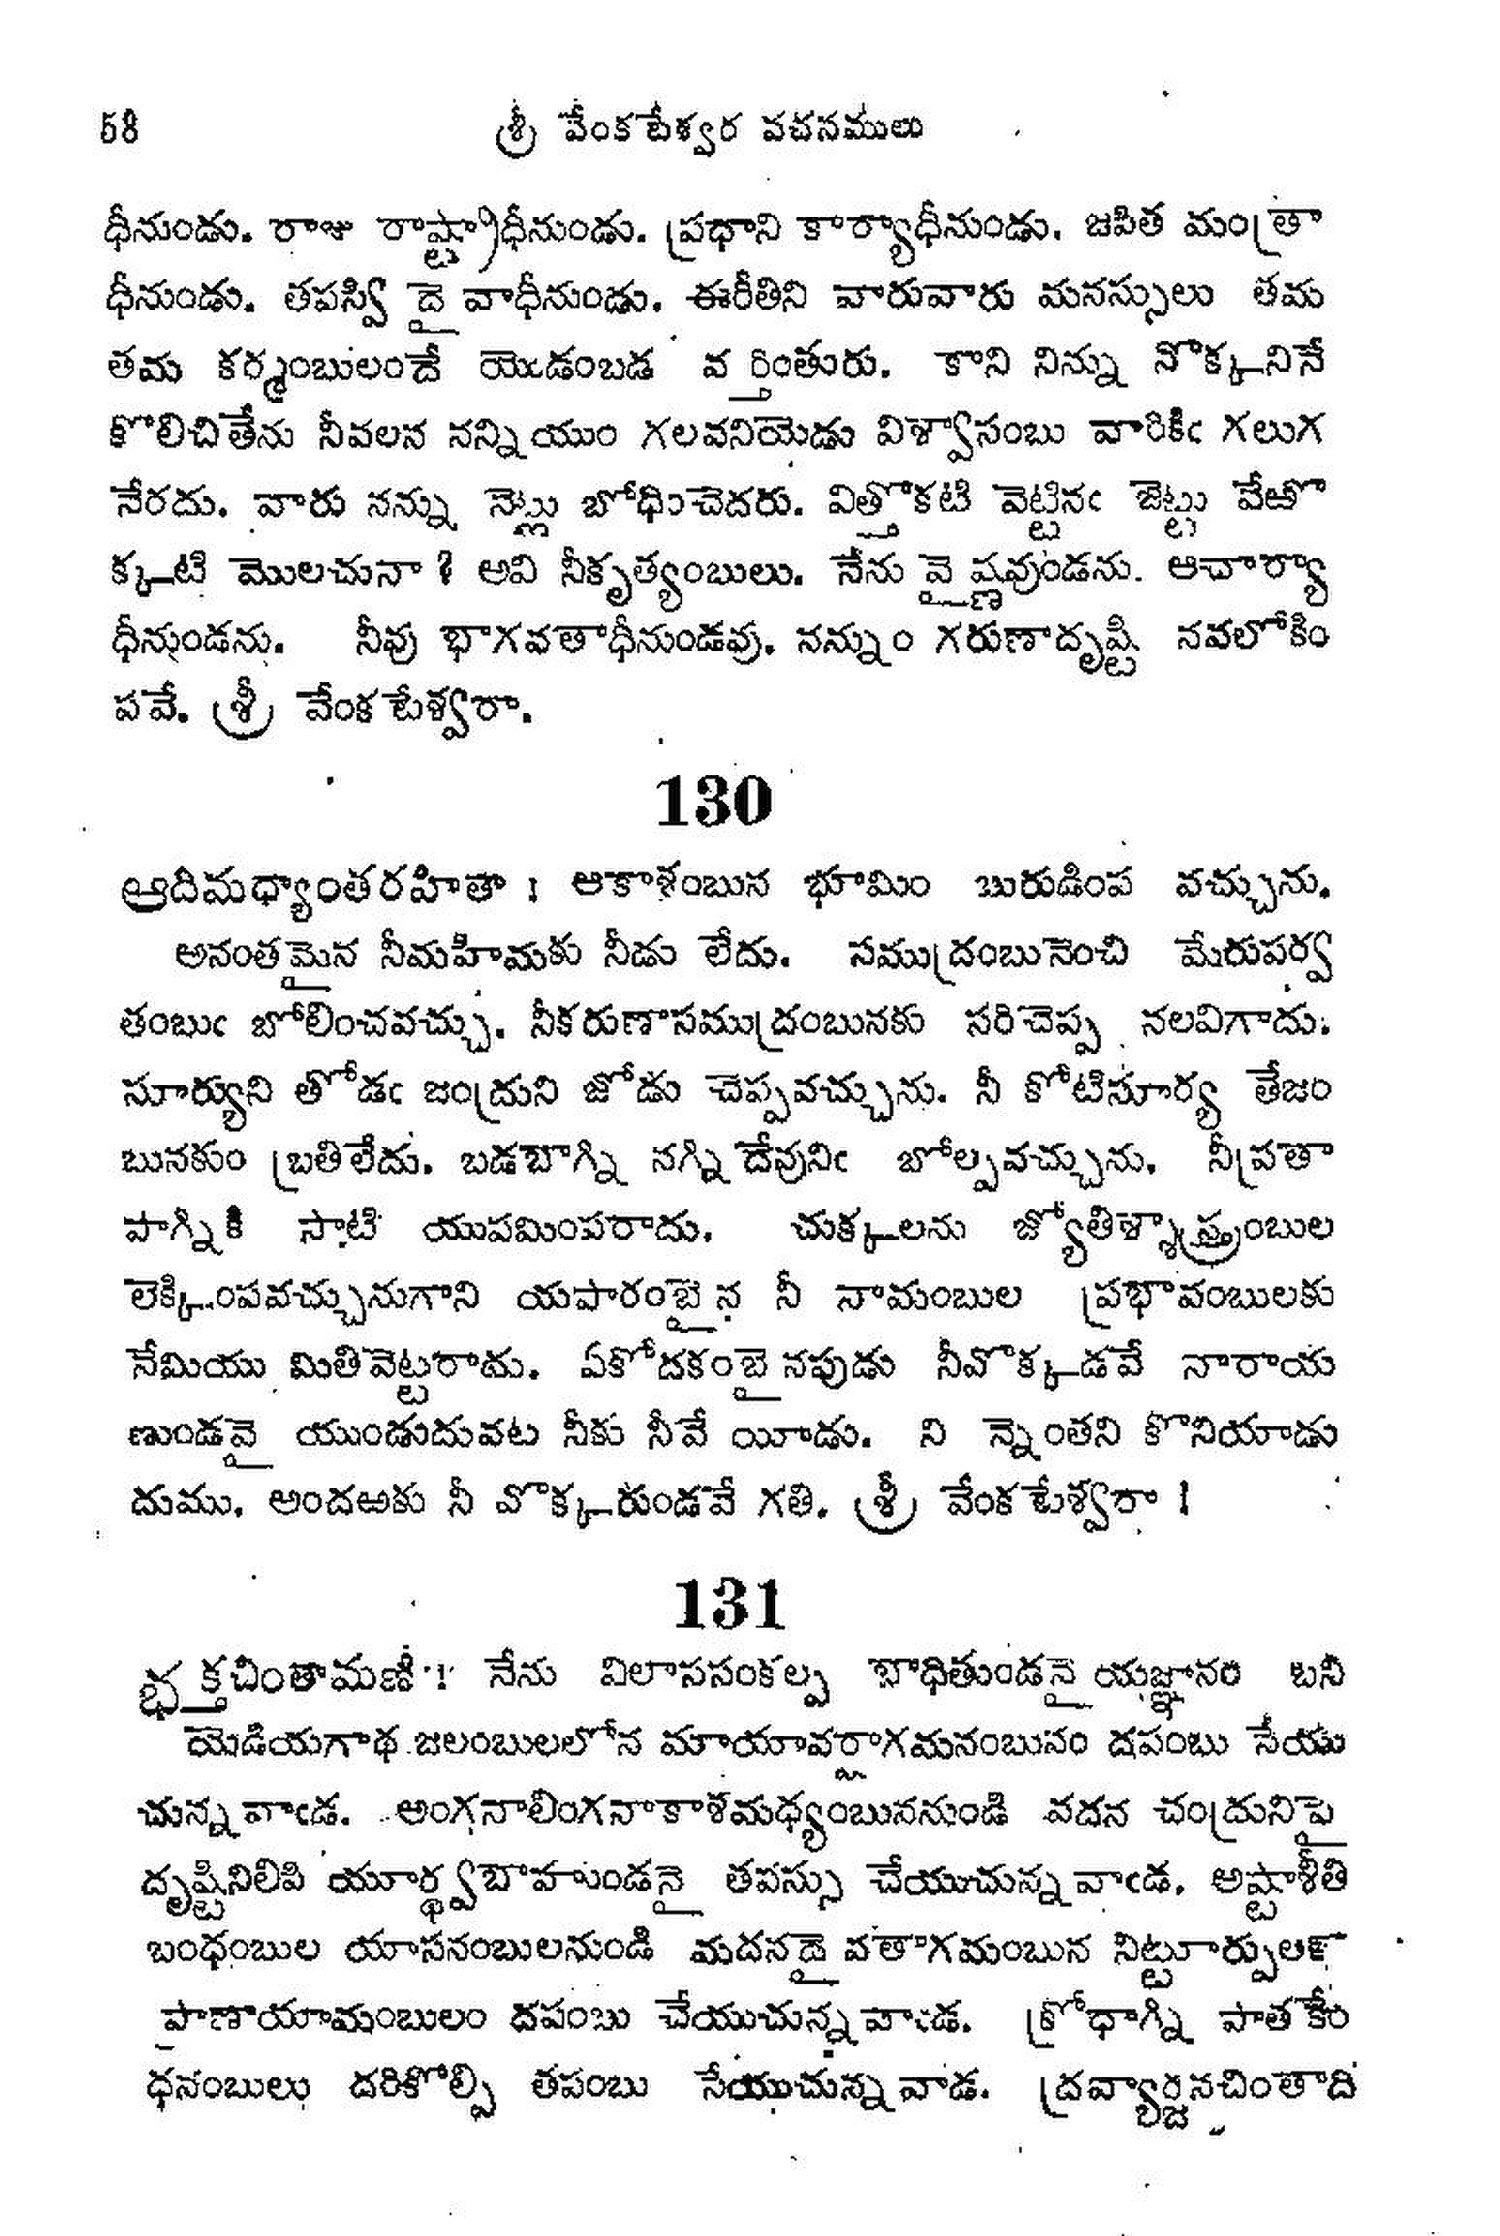ధీనుండు. రాజు రాష్ట్రాధీనుండు. ప్రధాని కార్యాధీనుండు, జపిత మంత్రా ధీనుండు. తపస్వి దై వాధీనుండు. ఈరీతిని వారు వారు మనస్సులు తమ తమ కర్మంబులందే యొడంబడ వర్తింతురు. కాని నిన్ను నొక్కనినే కొలిచి తేను నీవలన నన్నియుం గలవనియెడు విశ్వాసంబు వారికిఁ గలుగ నేరదు. వారు నన్ను నెట్లు బోధించెదరు. విత్తోకటి పెట్టినఁ బెట్టు వేఱో క్కటి మొలచునా ? అవి నీకృత్యంబులు. నేను వైష్ణవుండను. ఆచార్యా ధీనుండను. నీవు భాగవతాధీనుండవు. నన్నుం గరుణా దృష్టి, నవలోకిం పవే. శ్రీ వేంక టేశ్వరా.

130 

 ! ఆకాశంబున భూమిం బురుడింప వచ్చును.
అనంతమైన నీమహిమకు నీడు లేదు. సముద్రంబు సెంచి మేరుపర్వ తంబుఁ బోలించవచ్చు. నీకరుణా సముద్రంబునకు సరి చెప్ప నలవిగాదు. సూర్యుని తోడఁ జంద్రుని జోడు చెప్పవచ్చును. నీ కోటిసూర్య తేజం బునకుం బ్రతి లేదు. బడబాగ్ని నగ్ని దేవునిఁ బోల్పవచ్చును. నీప్రతా పాగ్నికి సాటి యుపమింపరాదు. చుక్కలను జ్యోతిశ్శాస్త్రంబుల లెక్కింపవచ్చునుగాని యపారంబైన నీ నామంబుల ప్రభావంబులకు నేమియు మితి వెట్టరాదు. ఏకోదకంబై నపుడు నీవొక్కడవే నారాయ ణుండనై యుండుదువట నీకు నీవే యీడు. ని న్నెంతని కొనియాడు దుము. అందఱకు నీ వొక్కరుండవే గతి. శ్రీ వేంకటేశ్వరా ! 

131 

 ! నేను విలాససంకల్ప బాధితుండనై యజ్ఞానం బనీ యెడియగాథ. జలంబులలోన మాయావర్సాగమనంబునం దపంబు సేయు చున్న వాఁడ. అంగ నాలింగ నాకాశ మధ్యంబుననుండి వదన చంద్రునిపై దృష్టినిలిపి 'యూర్థ్వబాహుండనై తపస్సు చేయుచున్న వాఁడ, అష్టాశీతి బంధంబుల యాసనంబులనుండి మదనదై వతాగమంబున నిట్టూర్పుల ప్రాణాయామంబులం దపంబు చేయుచున్న వాడ. క్రోధాగ్ని పాత కేం ధనంబులు దరికోల్పి తపంబు సేయుచున్న వాడ. ద్రవ్యార్జనచింతాది